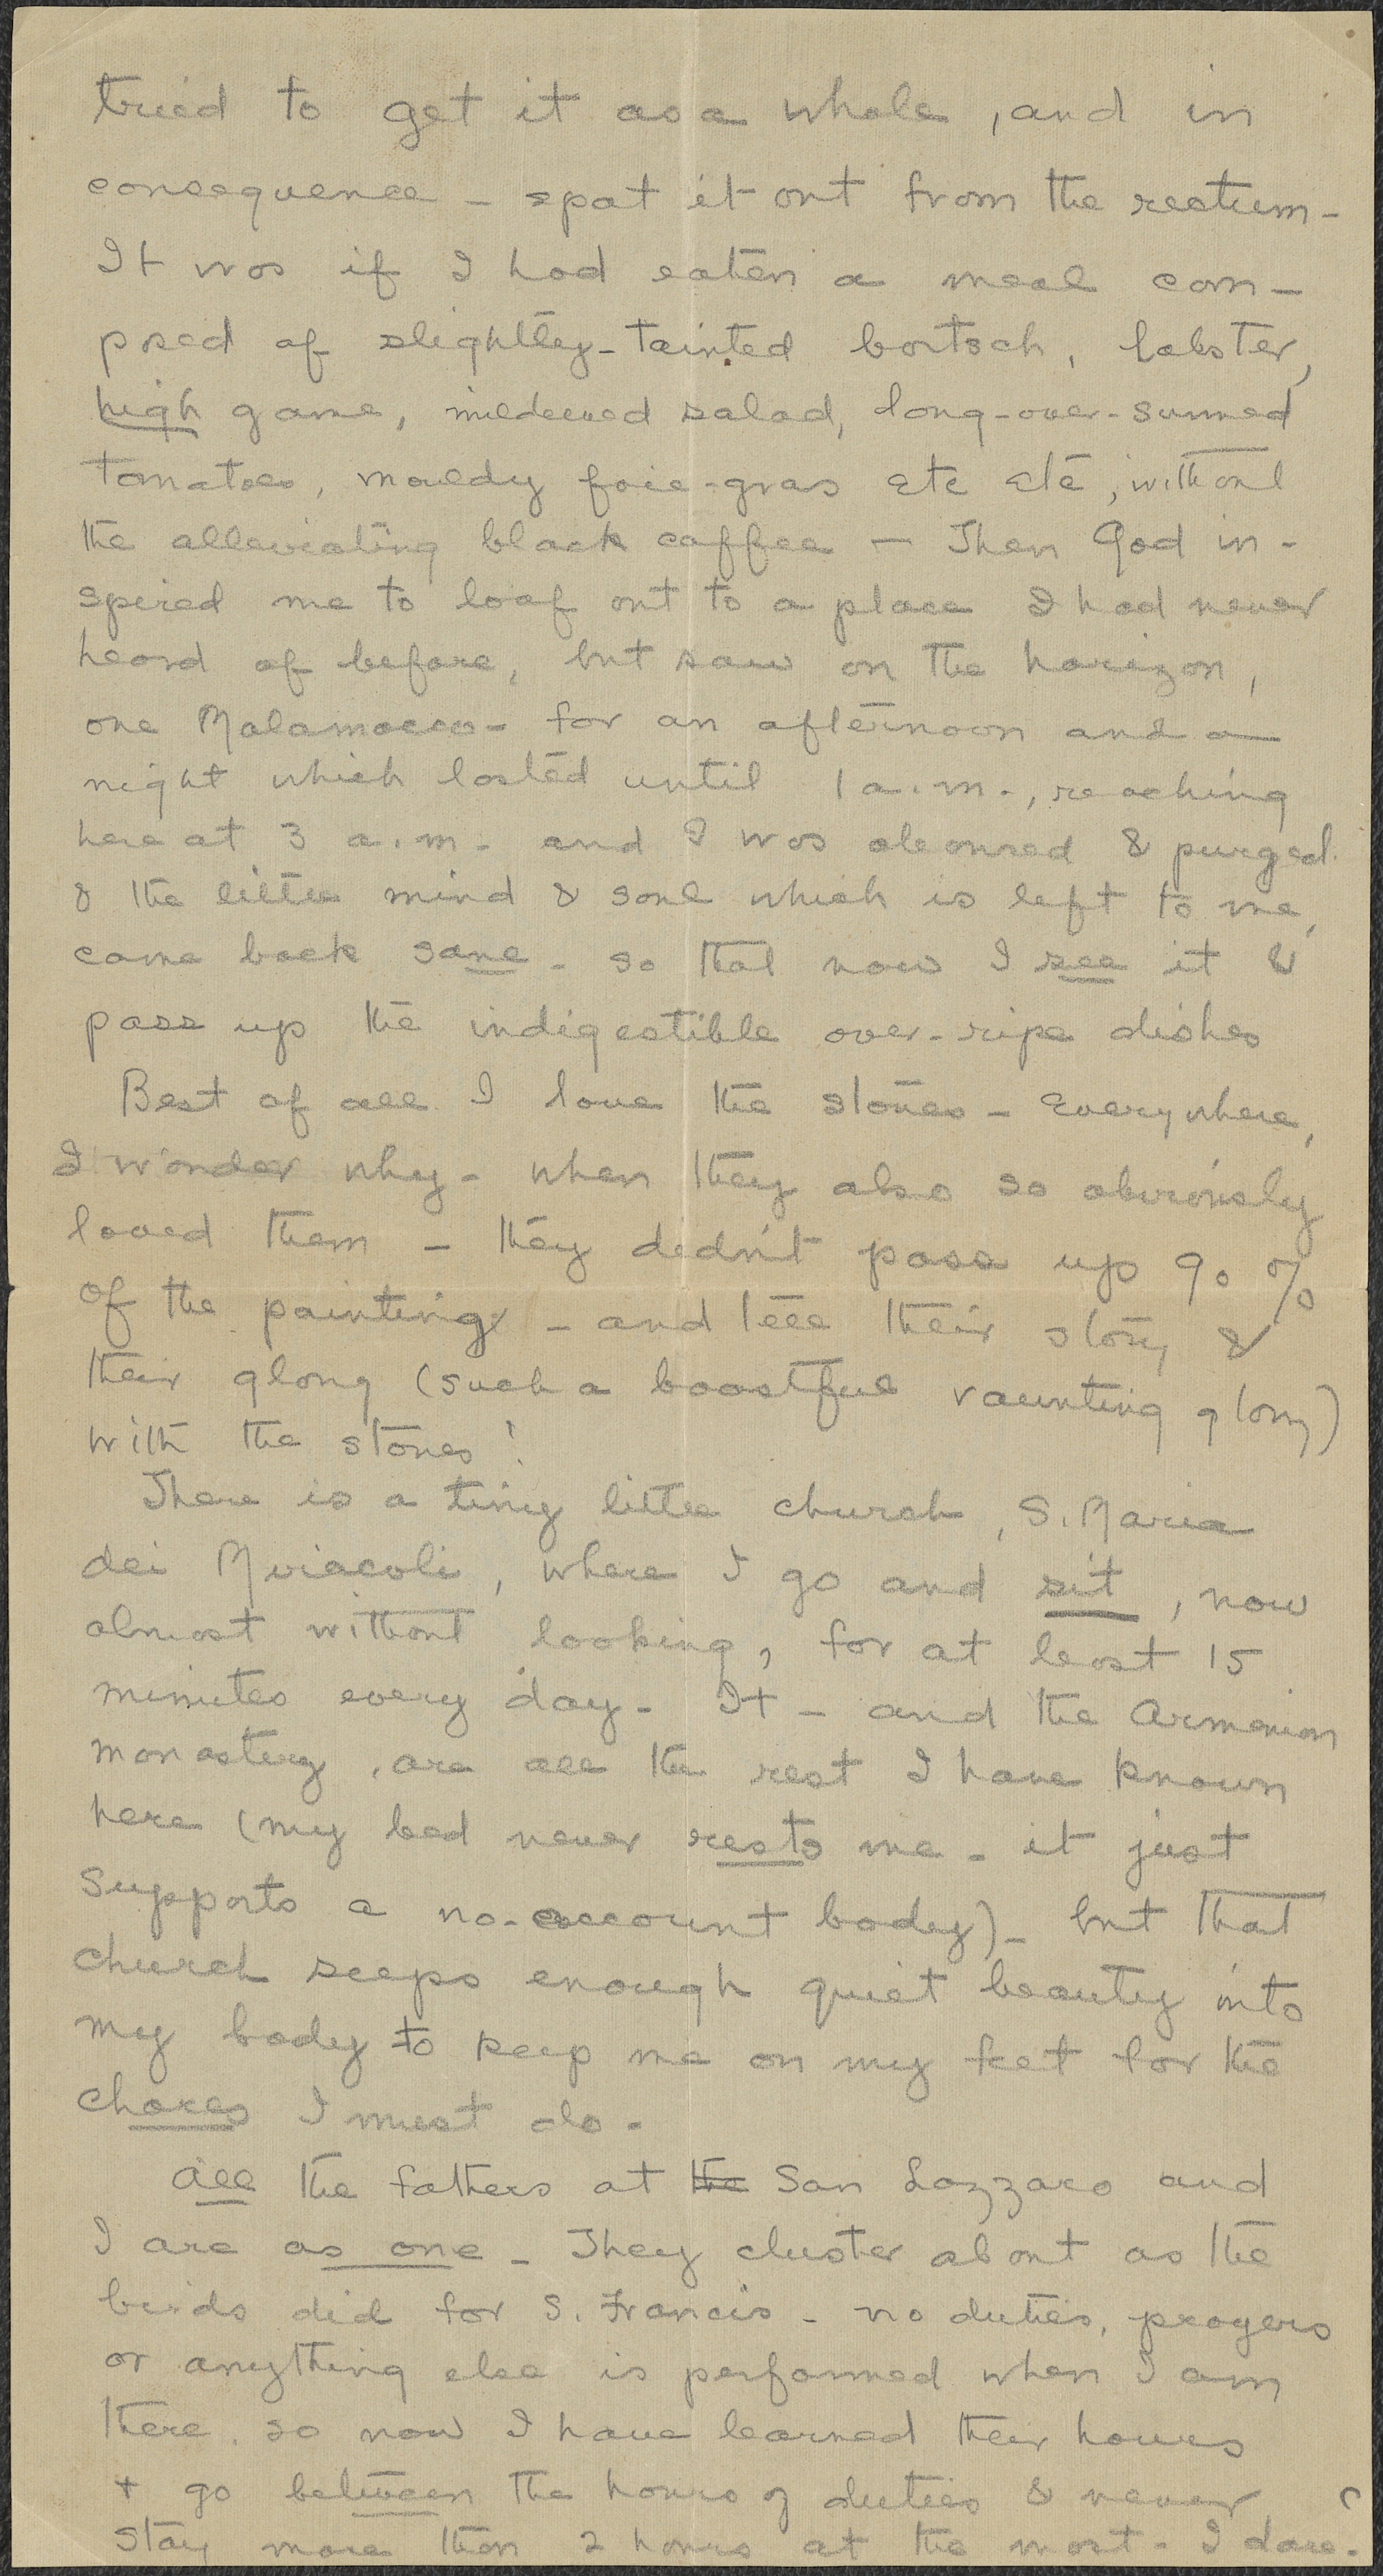tried to get it as a whole, and in consequence – spat it out from the rectum – It was if I had eaten a meal composed of slightly-tainted bortsch, lobster, high game, mildewed salad, long-over-sunned tomatoes, mouldy foie-gras etc etc, without the alleviating black coffee – Then God inspired me to loaf out to a place I had never heard of before, but saw on the horizon, one Malamocco – for an afternoon and a night which lasted until 1 a.m., reaching here at 3 a.m. – and I was cleansed & purged of the little mind & soul which is left to me, came back sane, so that now I see it & pass up the indigestible over-ripe dishes
Best of all I love the stones – Everywhere, I wonder why – When they also so obviously loved them – they didn’t pass up 90% of the painting – and tell their story & their glory (such a boastful vaunting glory) with the stones!
There is a tiny little church, S. Maria de Miracoli, where I go and sit, now almost without looking, for at least 15 minutes every day – It – and the Armenian Monastery, are all the rest I have known here (my bed never rests me – it just supports a no-account body) – but that church seeps enough quiet beauty into my body to keep me on my feet for the chores I must do –
All the fathers at the San Lazzaro and I are as one – They cluster about as the birds did for S. Francis – no duties, prayers, or anything else is performed when I am there, so now I have learned their hours & go between the hours of duties & never stay more than 2 hours at the most – I dare